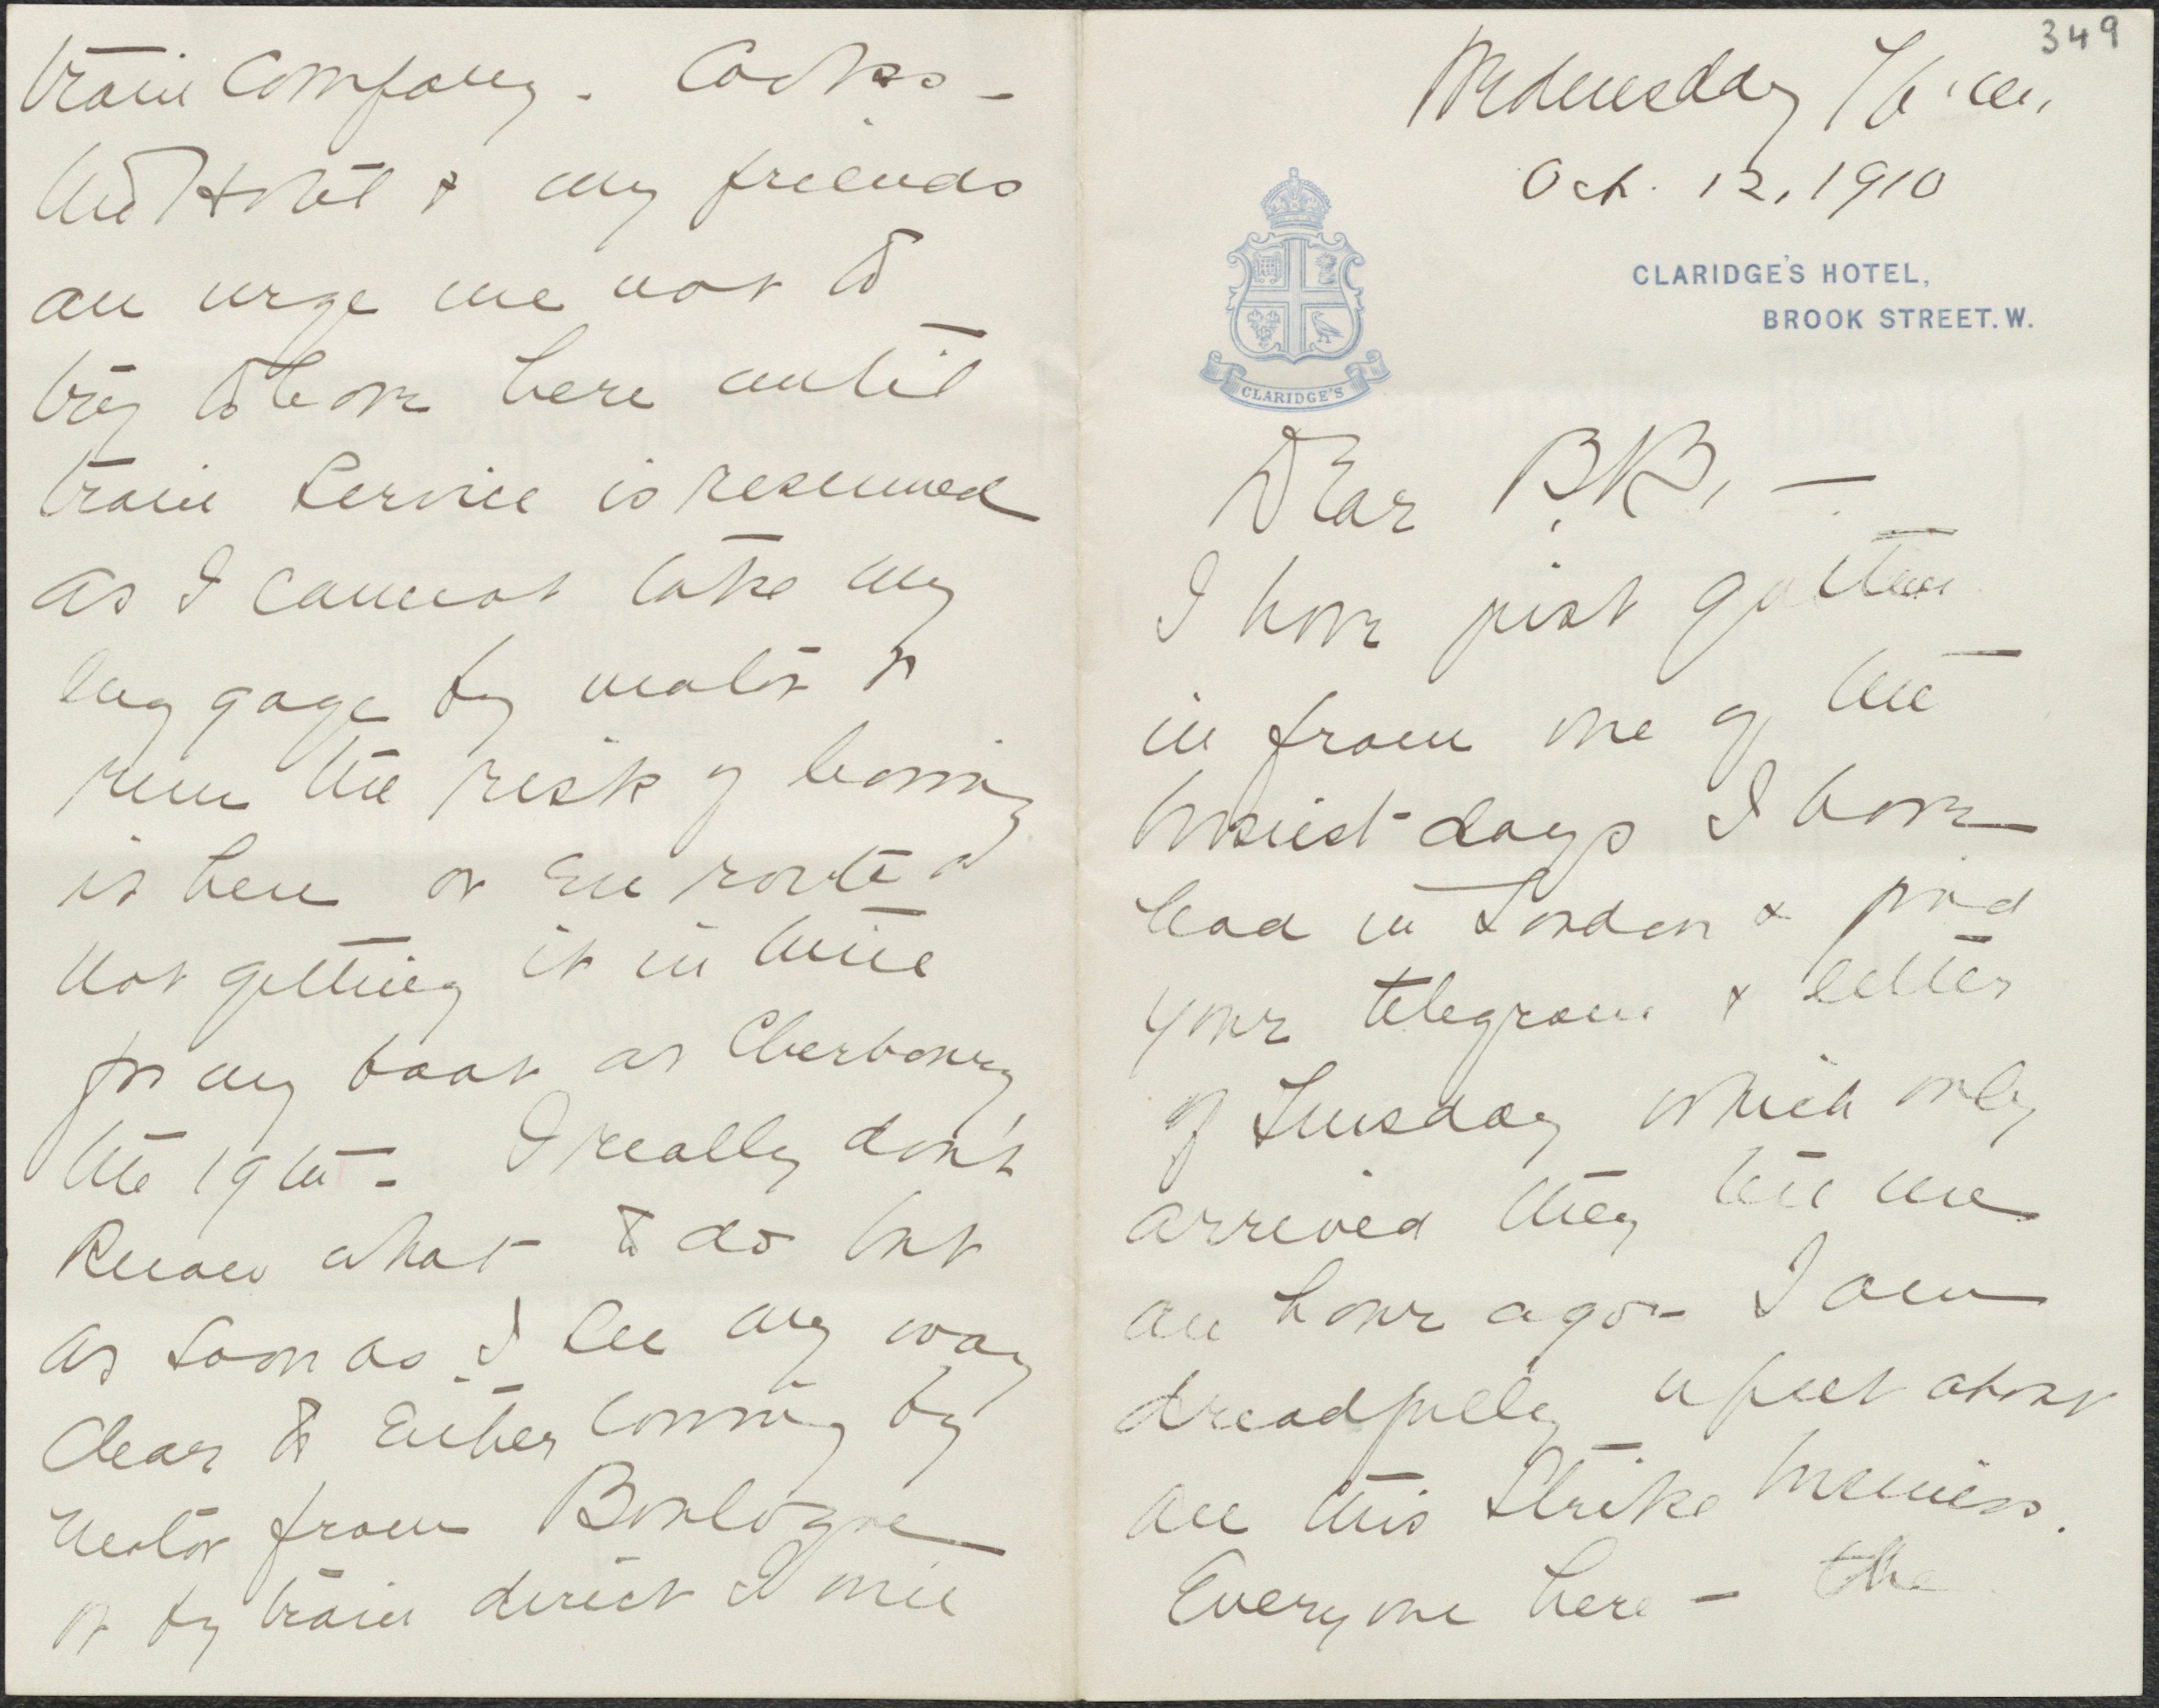Wednesday 7 p. m.
Dear B. B. –
I have just gotten in from one of the busiest days I have had in London & find your telegram & letter of Tuesday which only arrived they tell me an hour ago – I am dreadfully upset about all this strike business.
Everyone here – the
train company, Cooks – the Hotel & my friends all urge me not to try to leave here until train service is resumed as I cannot take my luggage by motor & run the risk of leaving it here or en route & not getting it in time for my boat at Cherbourg the 19th – I really don’t know what to do but as soon as I see my way clear to either coming by motor from Boulogne or by train direct I will